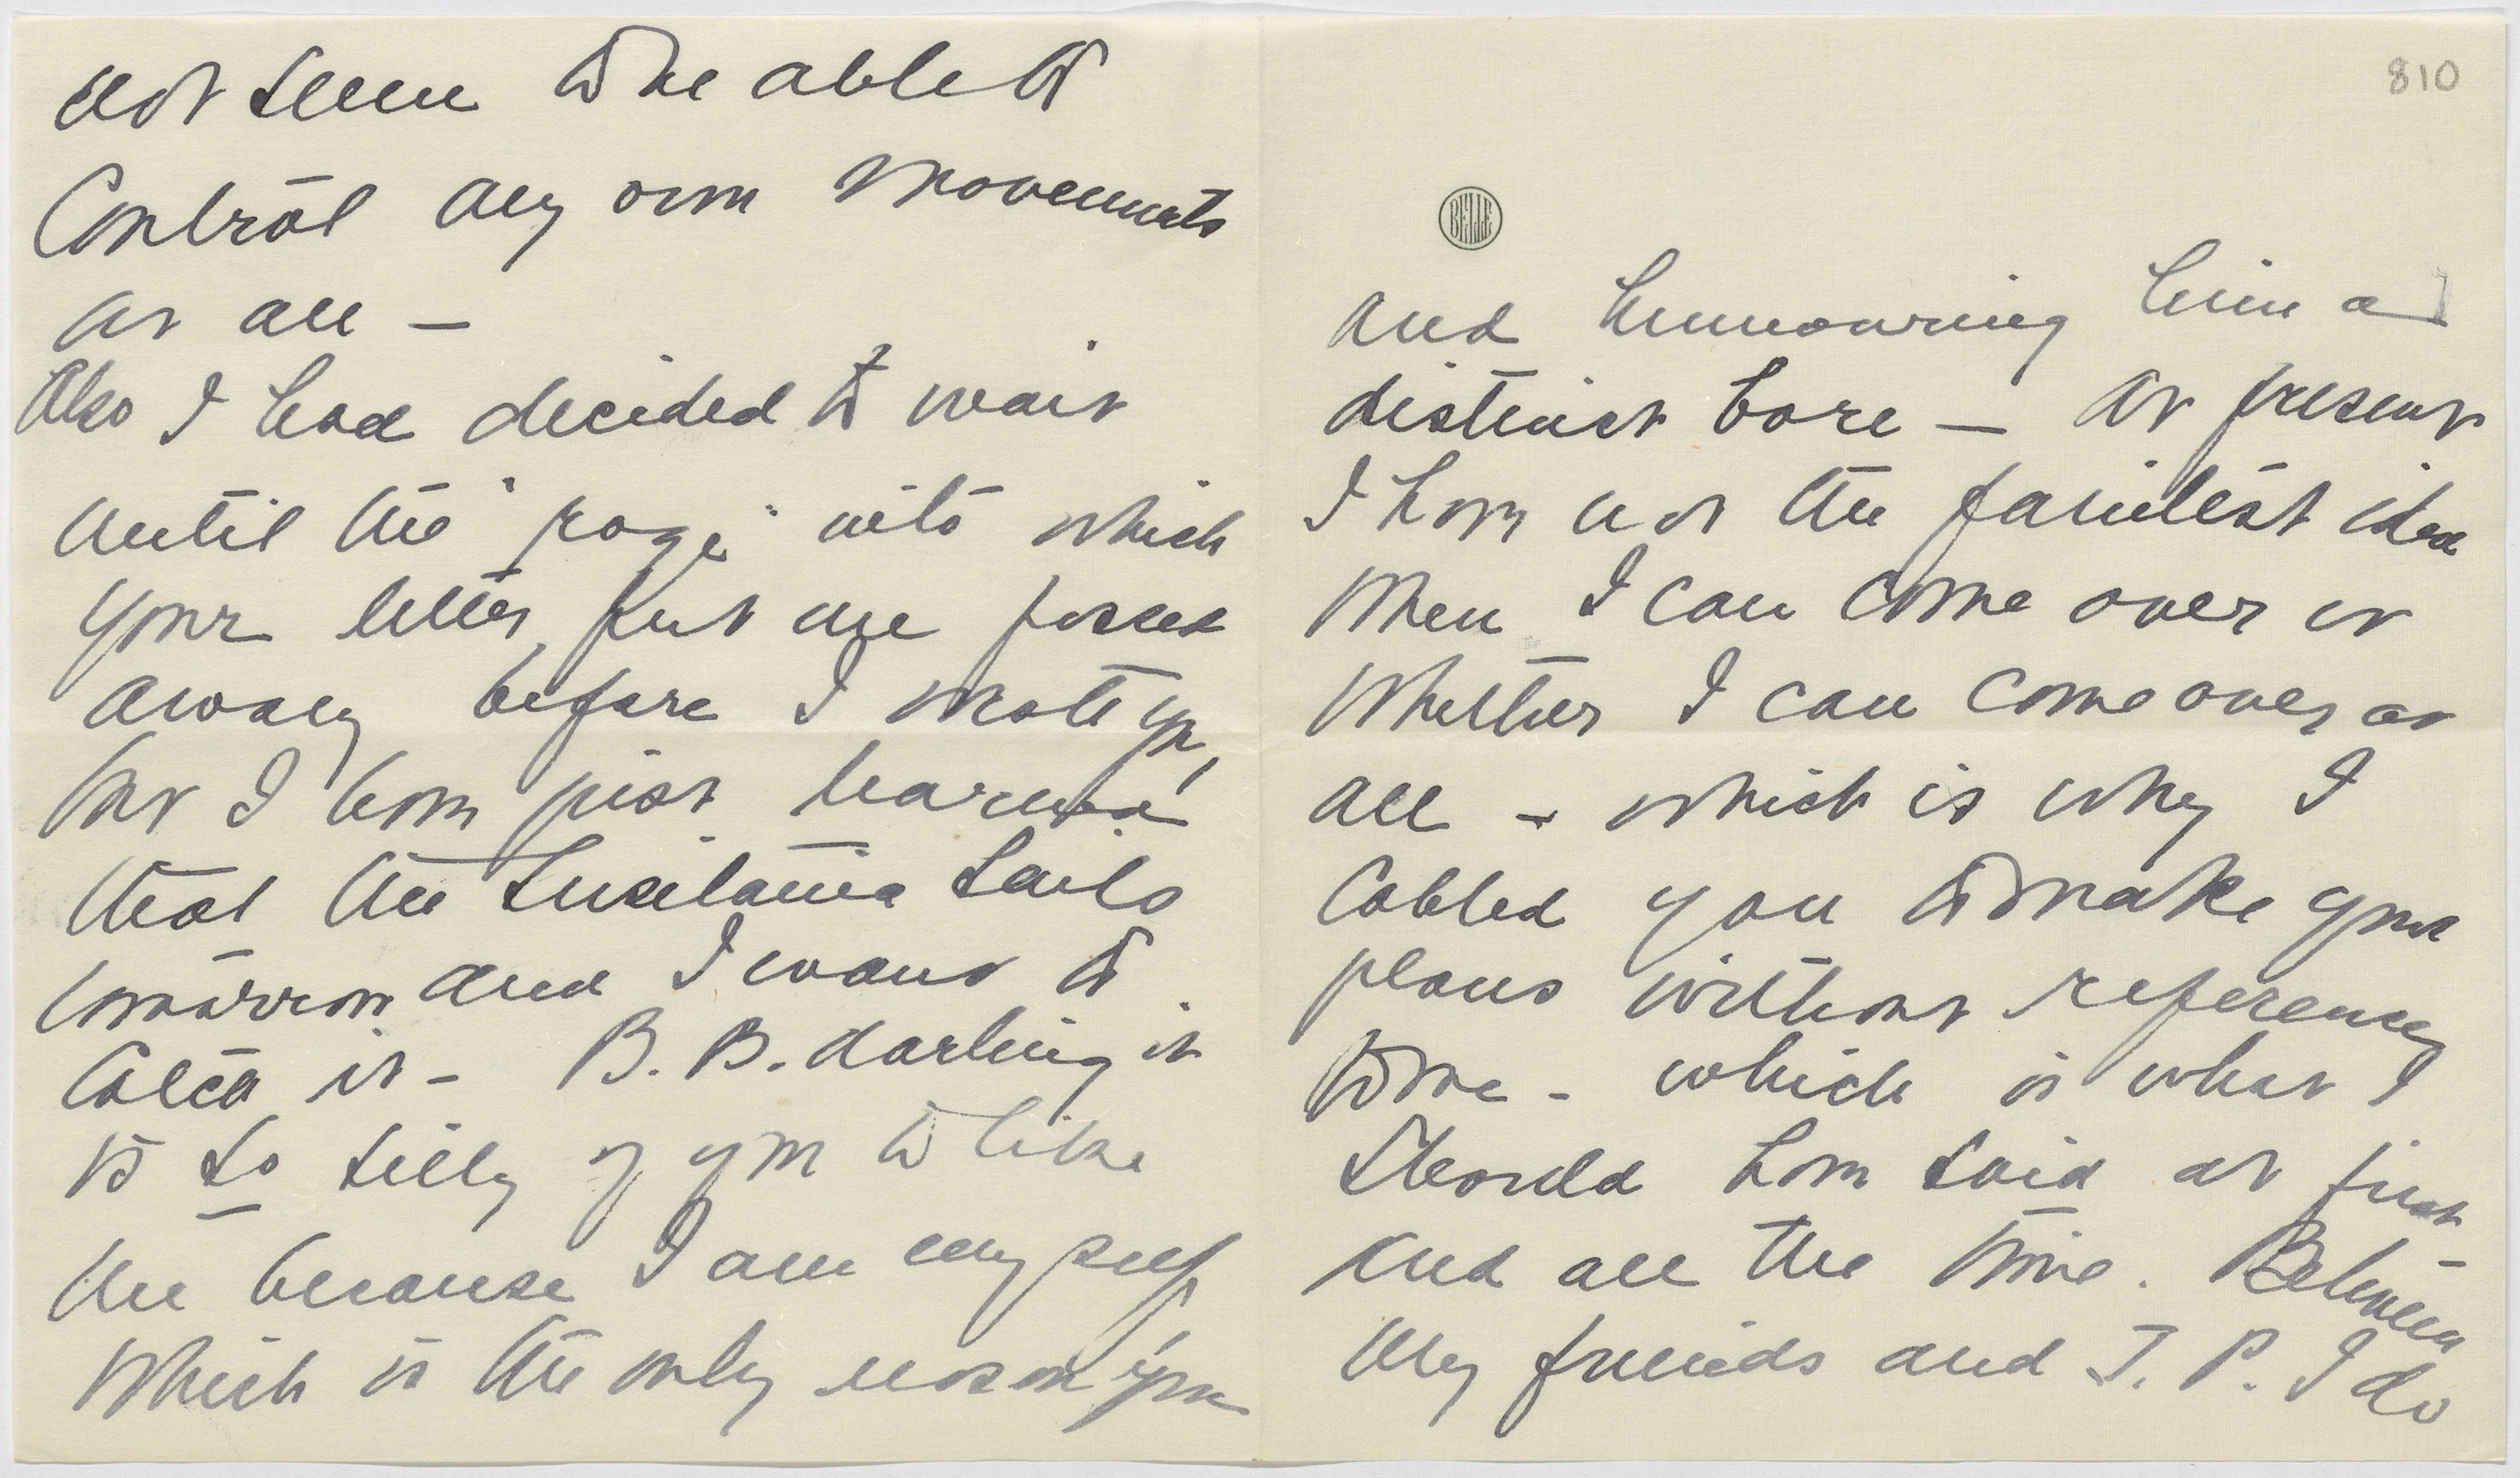and humouring him a distinct bore – At present I have not the faintest idea when I can come over or whether I can come over at all – which is why I cabled you to make your plans without reference to me – which is what I should have said at first and all the time. Between my friends and J. P. I do
not seem to be able to control my own movements at all –
Also I had decided to wait until the “rage” into which your letter put me passed away before I wrote you, but I have just learned that the Lusitania sails tomorrow and I want to catch it – B. B. darling it is so silly of you to like me because I am myself, which is the only reason you